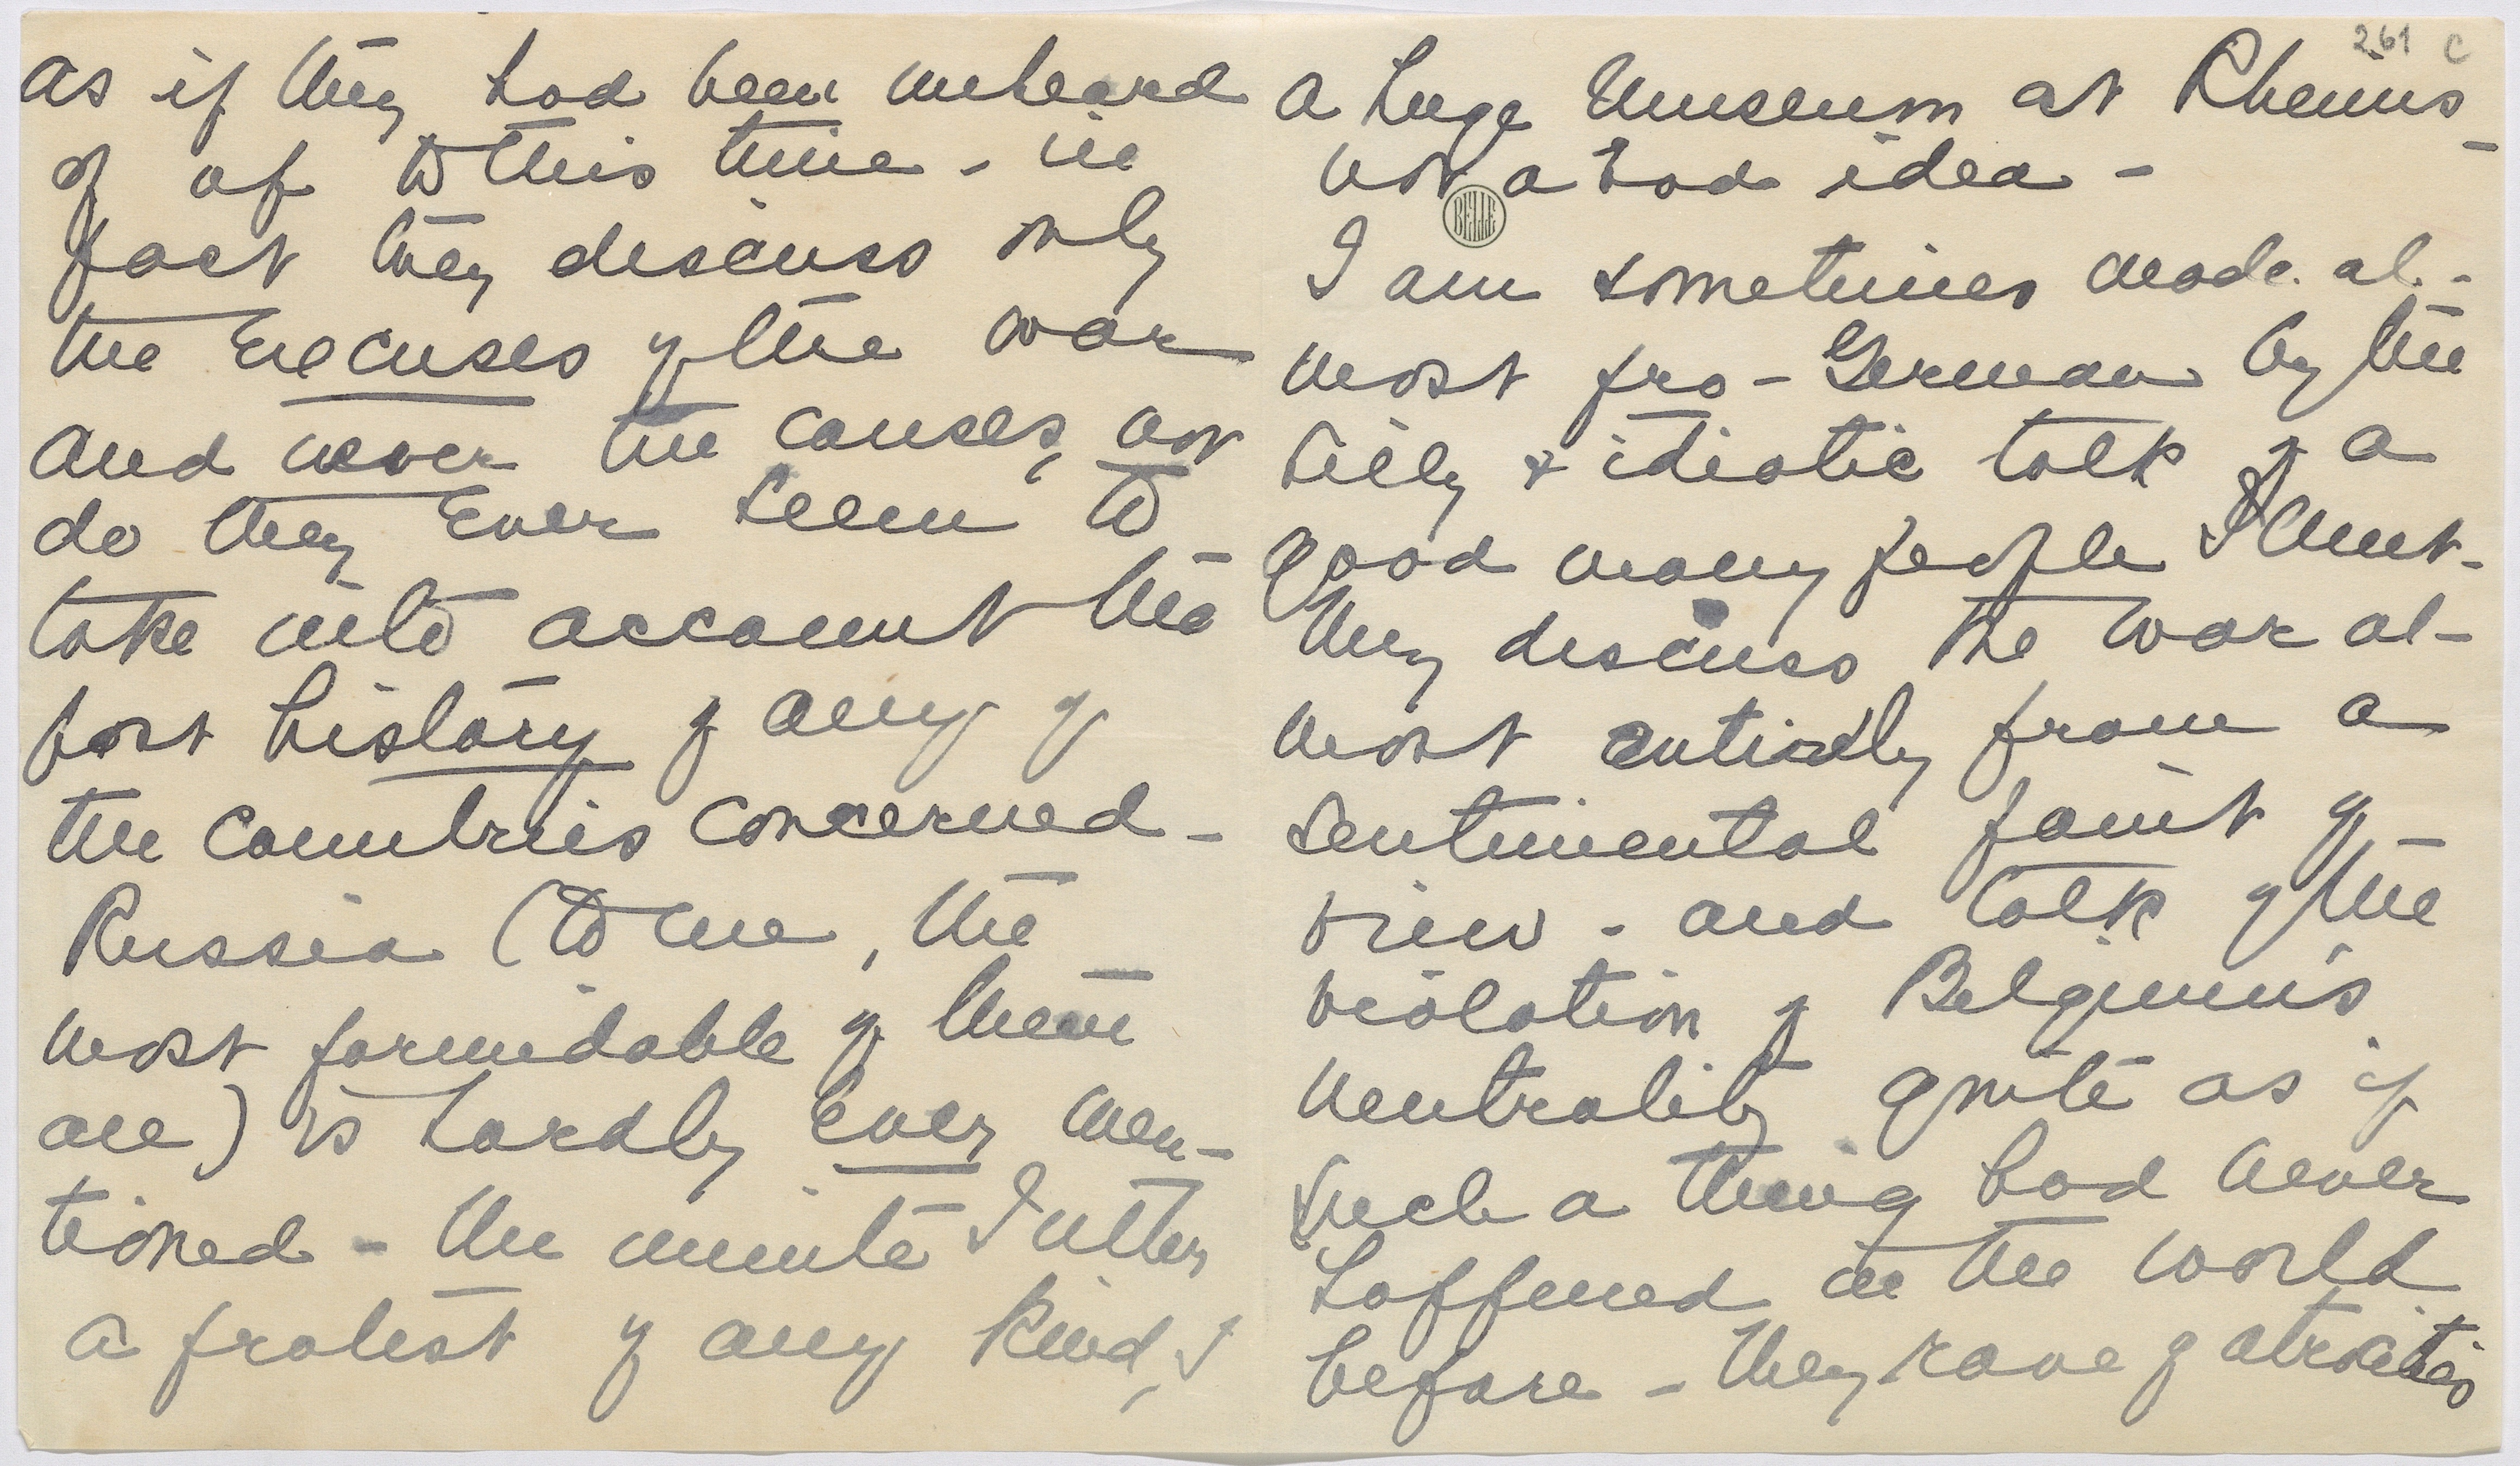a huge Museum at Rheims – not a bad idea –
I am sometimes made almost pro-German by the silly & idiotic talk of a good many people I meet – They discuss the war almost entirely from a sentimental point of view – and talk of the violation of Belgium’s neutrality quite as if such a thing had never happened in the world before – They rave of atrocities
as if they had been unheard of up to this time – in fact they discuss only the excuses of the war and never the causes, nor do they ever seem to take into account the past history of any of the countries concerned – Russia (to me, the most formidable of them all) is hardly ever mentioned – The minute I utter a protest of any kind, I